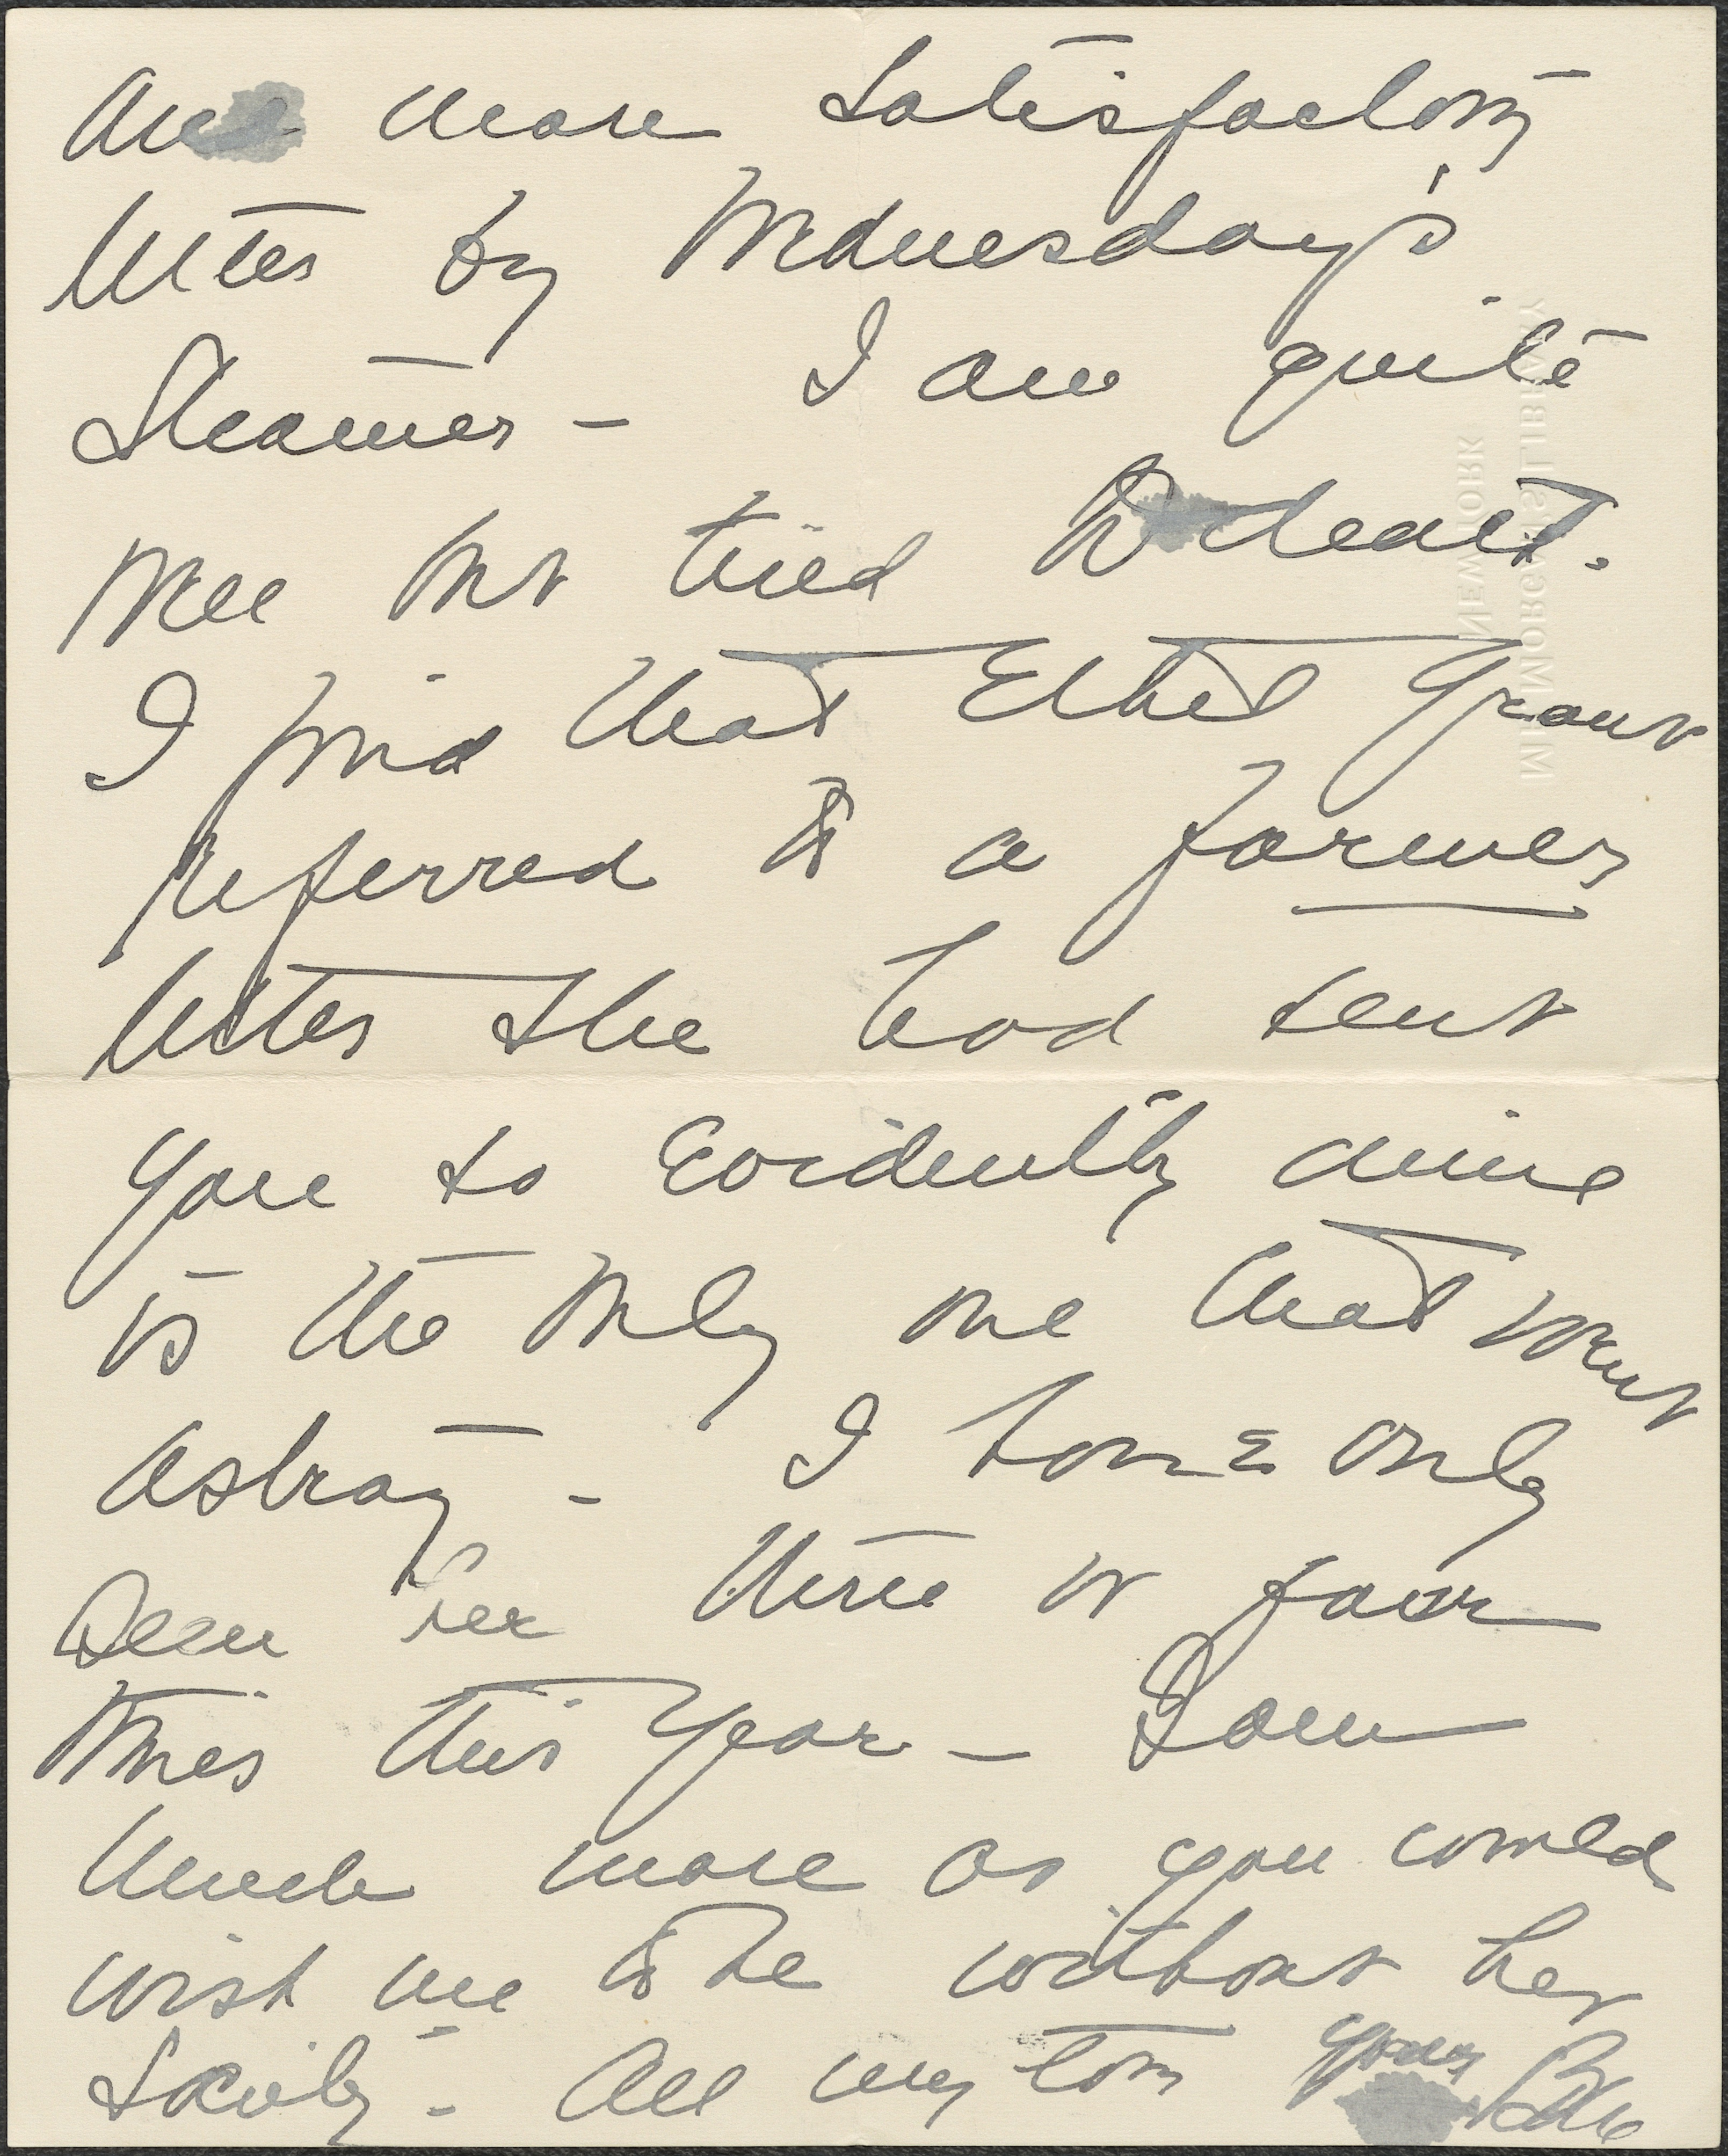and more satisfactory letter by Wednesday’s steamer – I am quite well but tired to death. I find that Ethel Grant referred to a former letter she had sent you so evidently mine is the only one that went astray – I have only seen her three or four times this year – I am much more as you would wish me to be without her society – All my love [^your^] Belle